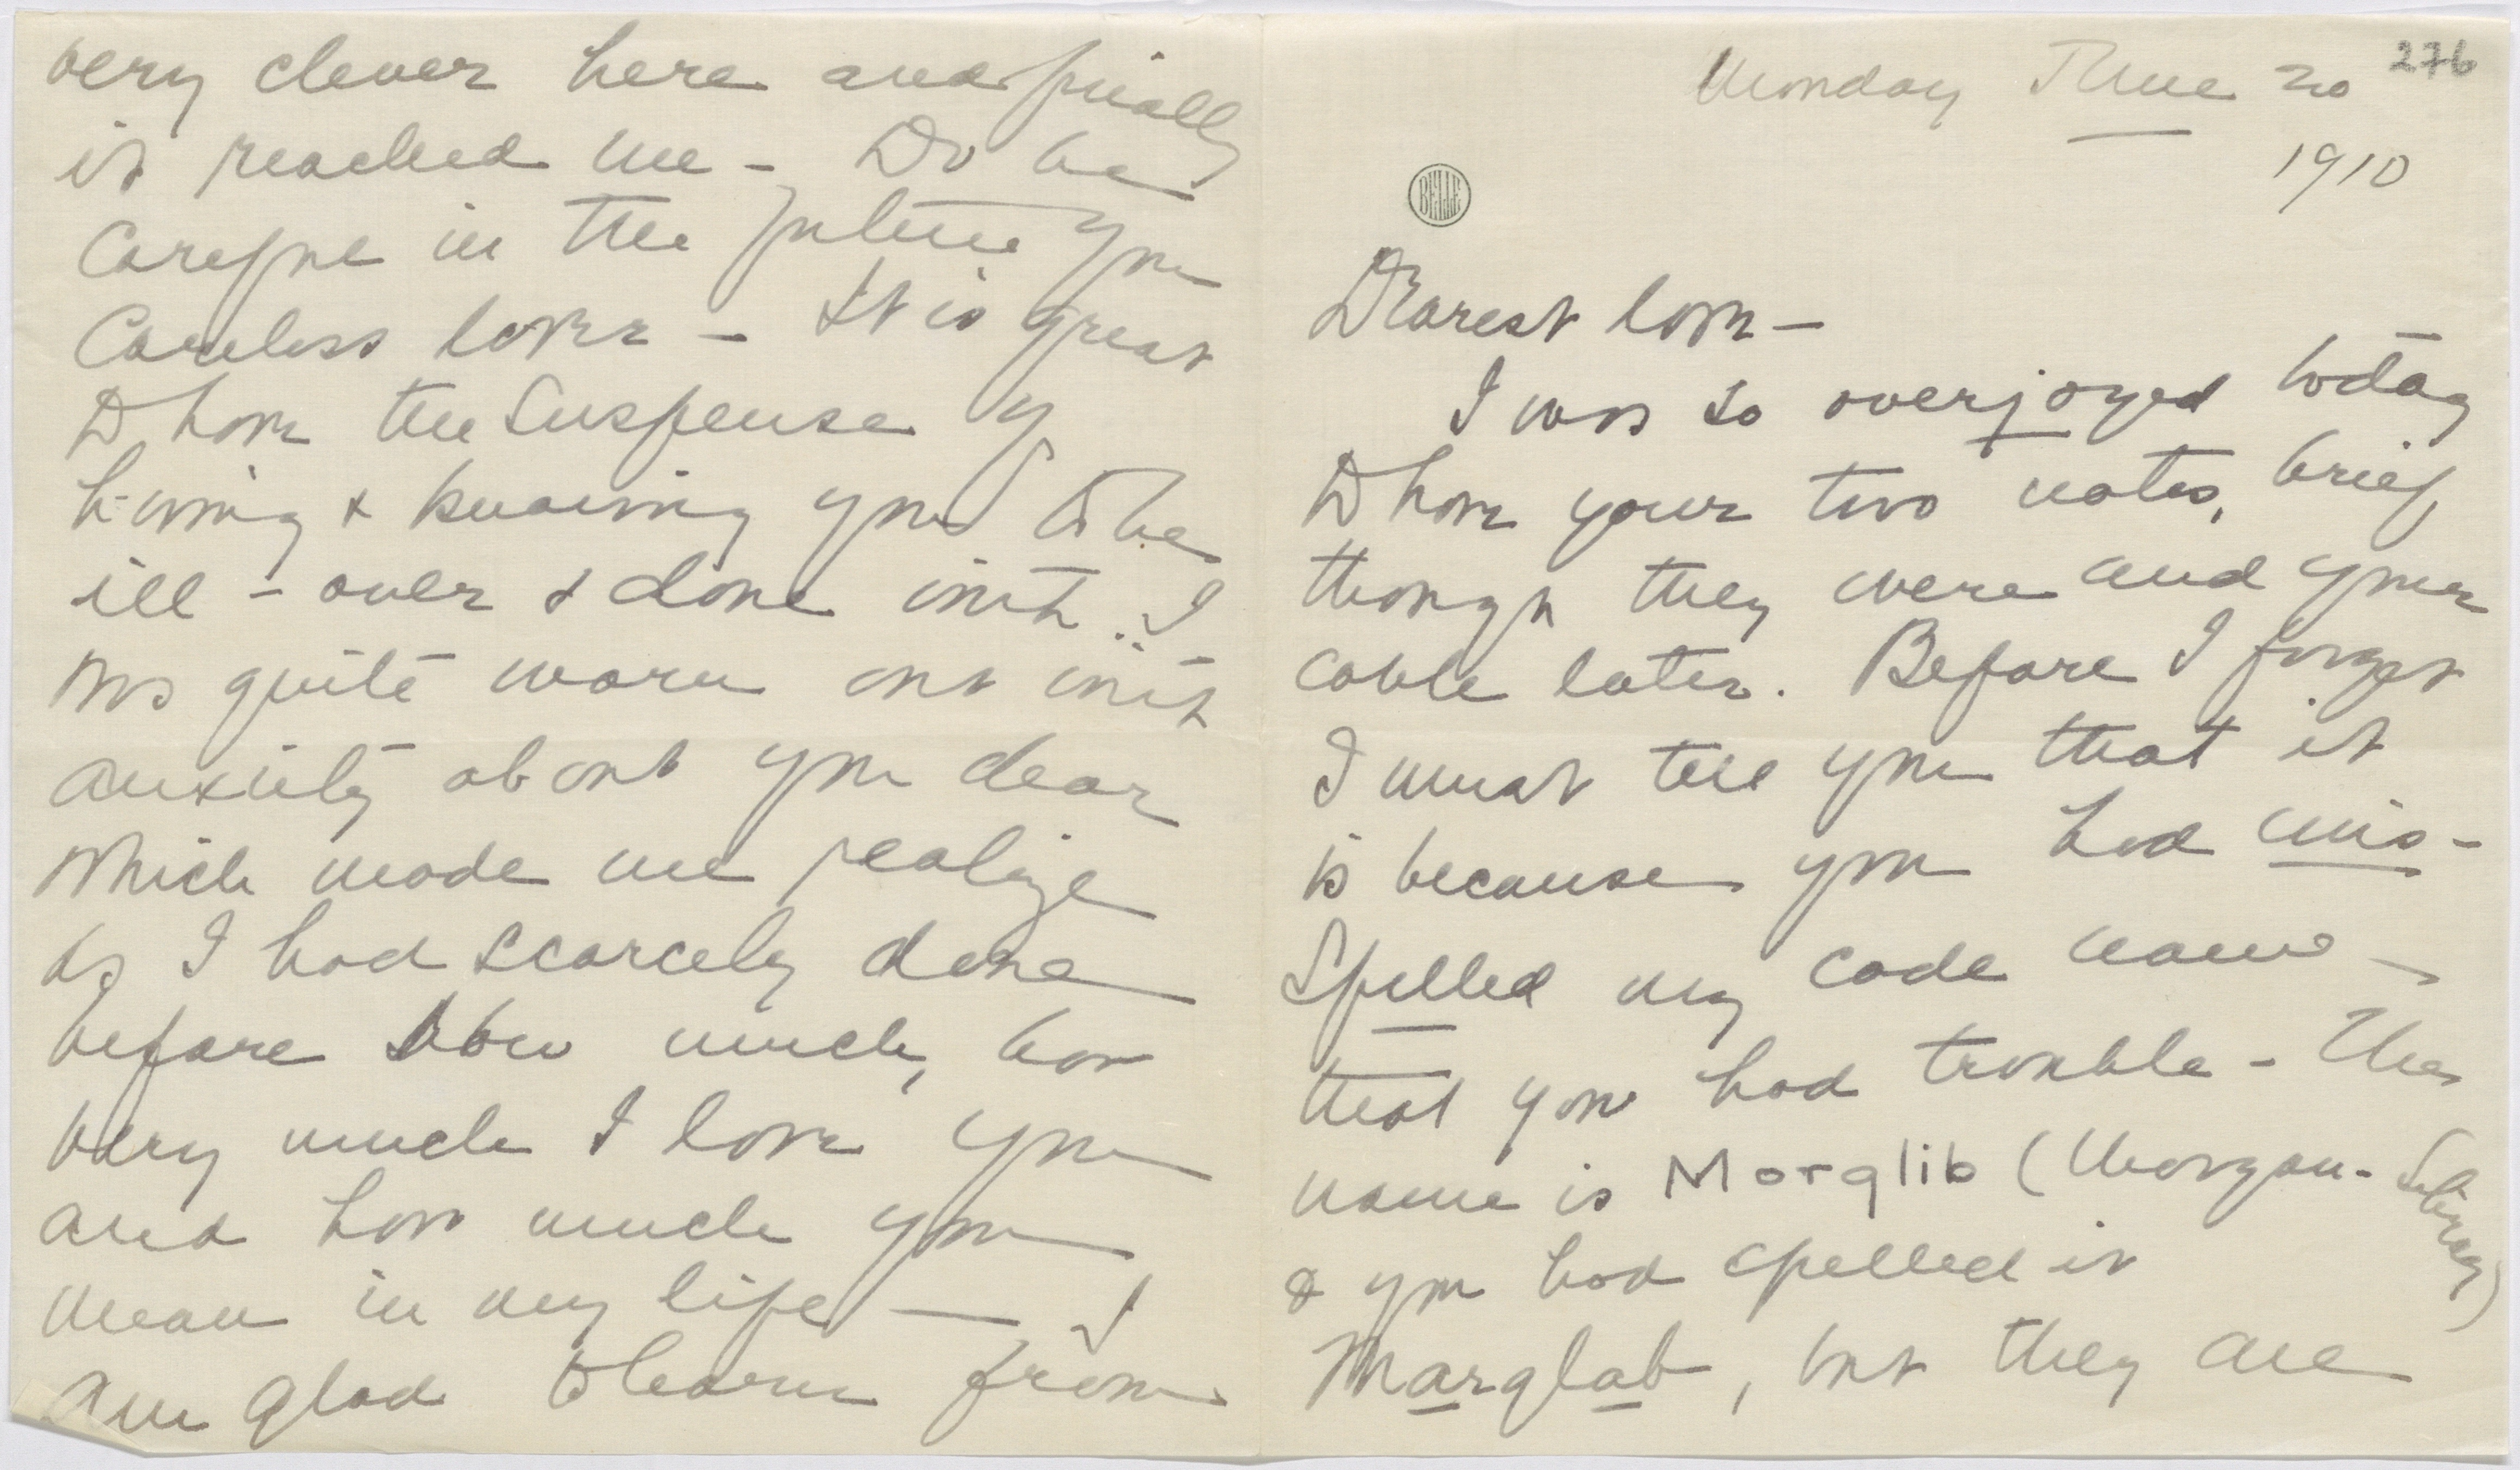Monday June 20
Dearest love –
I was so overjoyed today to have your two notes, brief though they were and your cable later. Before I forget I must tell you that it is because you had misspelled my code name that you had trouble – the name is [in printed hand: Morglib] (Morgan-Library) & you had spelled it Marglab, but they are
very clever here and finally it reached me – Do be careful in the future you careless lover – it is great to have the suspense of having & knowing you to be ill – over & done with. I was quite worn out with anxiety about you dear which made me realize as I had scarcely done before how much, how very much I love you and how much you mean in my life – I am glad to learn from